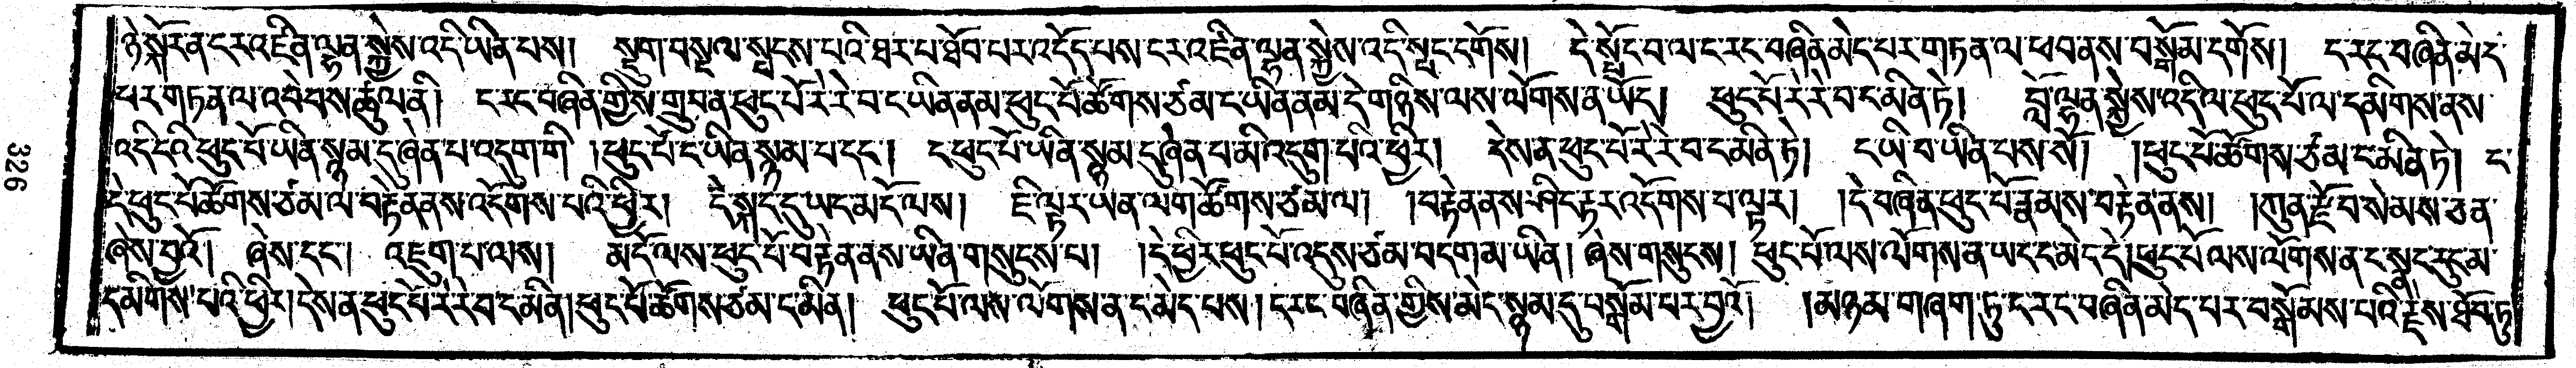ཉེ་སྐོར་ན་ངར་འཛིན་ལྷན་སྐྱེས་འདི་ཡིན་པས། སྡུག་བསྔལ་སྤངས་པའི་ཐར་པ་ཐོབ་པར་འདོད་པས་ངར་འཛིན་ལྷན་སྐྱེས་འདི་སྤང་དགོས། དེ་སྤོང་བ་ལ་ང་རང་བཞིན་མེད་པར་གཏན་ལ་ཕབ་ནས་བསྒོམ་དགོས། ད་རང་བཞིན་མེད་
པར་གཏན་ལ་འབེབས་ཚུལ་ནི། ང་རང་བཞིན་གྱིས་གྲུབ་ན་ཕུང་པོ་རེ་རེ་པ་ང་ཡིན་ནམ་ཕུང་པོ་ཚོགས་ཙམ་ང་ཡིན་ནམ་དེ་གཉིས་ལས་ལོགས་ན་ཡོད། ཕུང་པོ་རེ་རེ་བ་ང་མིན་ཏེ། བློ་ལྷན་སྐྱེས་འདི་ལ་ཕུང་པོ་ལ་དམིགས་ནས་
འདི་ངའི་ཕུང་པོ་ཡིན་སྙམ་དུ་ཞེན་པ་འདུག་གི །ཕུང་པོ་ང་ཡིན་སྙམ་པ་དང་། ང་ཕུང་པོ་ཡིན་སྙམ་དུ་ཞེན་པ་མི་འདུག་པའི་ཕྱིར། དེས་ན་ཕུང་པོ་རེ་རེ་བ་ང་མིན་ཏེ། ང་ཡི་བ་ཡིན་པས་སོ། །ཕུང་པོ་ཚོགས་ཙམ་ང་མིན་ཏེ། ང་
དེ་ཕུང་པོ་ཚོགས་ཙམ་ལ་བརྟེན་ནས་འདོགས་པའི་ཕྱིར། དེ་སྐད་དུ་ཡང་མདོ་ལས། ཇི་ལྟར་ཡན་ལག་ཚོགས་ཙམ་ལ། །བརྟེན་ནས་ཤིང་རྟར་འདོགས་པ་ལྟར། །དེ་བཞིན་ཕུང་པོ་རྣམས་བརྟེན་ནས། །ཀུན་རྫོབ་སེམས་ཅན་
ཞེས་བྱའོ། ཞེས་དང་། འཇུག་པ་ལས། མདོ་ལས་ཕུང་པོ་བརྟེན་ནས་ཡིན་གསུངས་པ། །དེ་ཕྱིར་ཕུང་པོ་འདུས་ཙམ་བདག་མ་ཡིན། ཞེས་གསུངས། ཕུང་པོ་ལས་ལོགས་ན་ཡང་ང་མེད་དེ། ཕུང་པོ་ལས་ལོགས་ན་ང་སྣང་རུང་མ་
དམིགས་པའི་ཕྱིར། དེས་ན་ཕུང་པོ་རེ་རེ་བ་ང་མིན། ཕུང་པོ་ཚོགས་ཙམ་ང་མིན། ཕུང་པོ་ལས་ལོགས་ན་ང་མེད་པས། ད་རང་བཞིན་གྱིས་མེད་སྙམ་དུ་བསྒོམ་པར་བྱའོ། །མཉམ་གཞག་ཏུ་ང་རང་བཞིན་མེད་པར་བསྒོམས་པའི་རྗེས་ཐོབ་ཏུ་